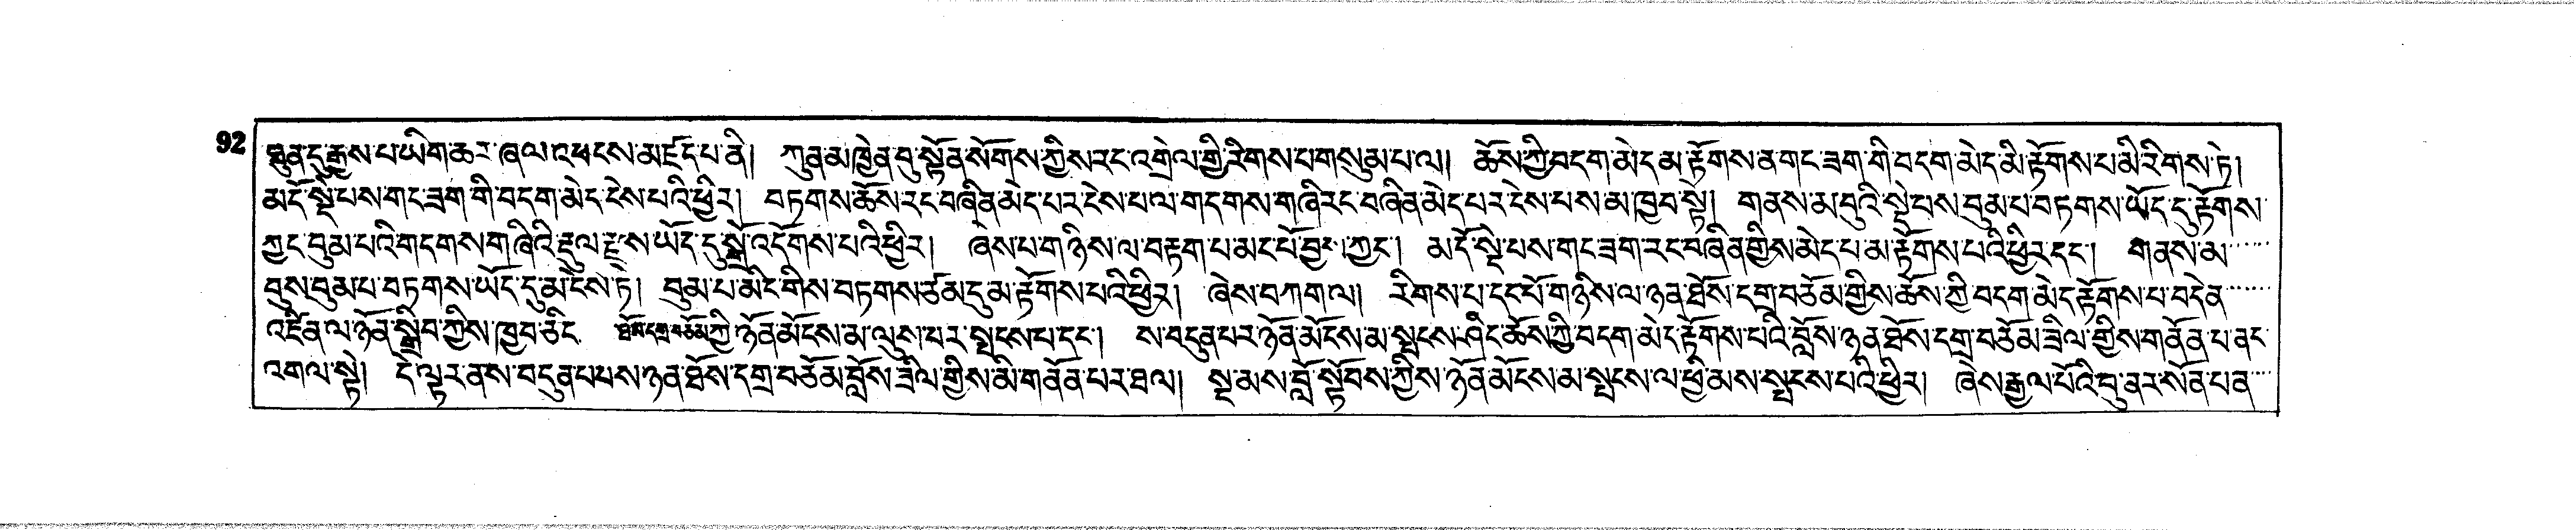ཐུན་དུ་རྒྱས་པ་ཡིག་ཆར་ཞལ་འཕངས་མཛད་པ་ནི། ཀུན་མཁྱེན་བུ་སྟོན་སོགས་ཀྱིས་རང་འགྲེལ་གྱི་རིགས་པ་གསུམ་པ་ལ། ཆོས་ཀྱི་བདག་མེད་མ་རྟོགས་ན་གང་ཟག་གི་བདག་མེད་མི་རྟོགས་པ་མི་རིགས་ཏེ།
མདོ་སྡེ་པས་གང་ཟག་གི་བདག་མེད་ངེས་པའི་ཕྱིར། བཏགས་ཆོས་རང་བཞིན་མེད་པར་ངེས་པ་ལ་གདགས་གཞི་རང་བཞིན་མེད་པར་ངེས་པས་མ་ཁྱབ་སྟེ། གནས་མ་བུའི་སྡེ་པས་བུམ་པ་བཏགས་ཡོད་དུ་རྟོགས་
ཀྱང་བུམ་པའི་གདགས་གཞིའི་རྡུལ་རྫས་ཡོད་དུ་སྒྲོ་འདོགས་པའི་ཕྱིར། ཞེས་པ་གཉིས་ལ་བརྟག་པ་མང་པོ་བྱས་ཀྱང་། མདོ་སྡེ་པས་གང་ཟག་རང་བཞིན་གྱིས་མེད་པ་མ་རྟོགས་པའི་ཕྱིར་དང་། གནས་མ་
བུས་བུམ་པ་བཏགས་ཡོད་དུ་མ་ངེས་ཏེ། བུམ་པ་མིང་གིས་བཏགས་ཙམ་དུ་མ་རྟོགས་པའི་ཕྱིར། ཞེས་བཀག་ལ། རིགས་པ་དང་པོ་གཉིས་ལ་ཉན་ཐོས་དགྲ་བཅོམ་གྱིས་ཆོས་ཀྱི་བདག་མེད་རྟོགས་པ་བདེན་
འཛིན་ལ་ཉོན་སྒྲིབ་ཀྱིས་ཁྱབ་ཅིང་?་ཐོས་དགྲ་བཅོམ་ཀྱི་ཉོན་མོངས་མ་ལུས་པར་སྤངས་པ་དང་། ས་བདུན་པར་ཉོན་མོངས་མ་སྤངས་ཤིང་ཆོས་ཀྱི་བདག་མེད་རྟོགས་པའི་བློས་ཉན་ཐོས་དགྲ་བཅོམ་ཟིལ་གྱིས་གནོན་པ་ནང་
འགལ་སྟེ། དེ་ལྟར་ན་ས་བདུན་པ་པས་ཉན་ཐོས་དགྲ་བཅོམ་བློས་ཟིལ་གྱིས་མི་གནོན་པར་ཐལ། སྔ་མས་བློ་སྟོབས་ཀྱིས་ཉོན་མོངས་མ་སྤངས་ལ་ཕྱི་མས་སྤངས་པའི་ཕྱིར། ཞེས་རྒྱལ་པོའི་བུ་ནར་སོན་པན་